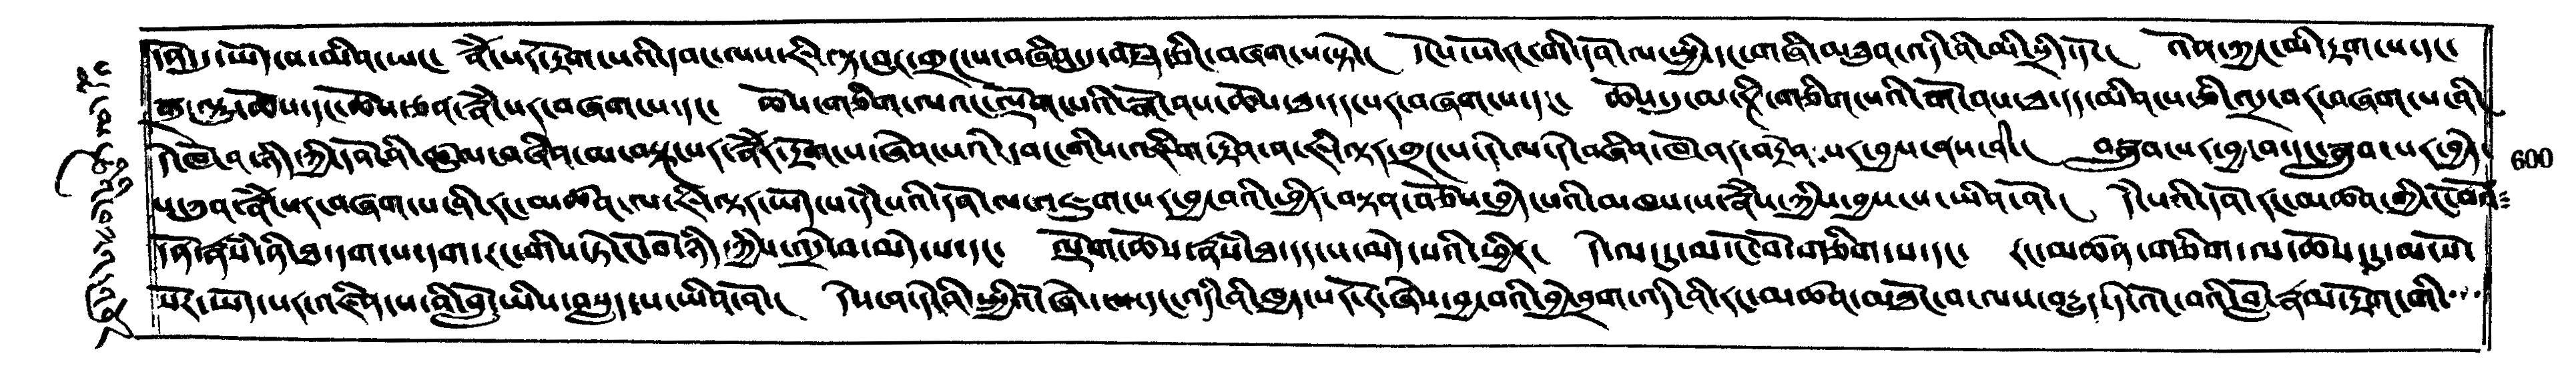དོན་དུ་ཡོད་པ་མིན་ཡང་། རྣམ་པར་རྟོག་པའི་དབང་ལས་ཇི་ལྟ་བུར་གྲགས་པ་བཞིན་དུ་བརྗོད་ཅིང་བཞག་པ་སྟེ། དངོས་པོ་རང་གི་དོན་ལ་སྤྱི་དང་གཞི་མཐུན་འདི་ནི་མི་སྲིད་དོ།། འོན་ཀྱང་མི་རྟག་པ་དང་
སྒྲ་ལྟ་བུ་ཆོས་དང་ཆོས་ཅན་རྣམ་པར་བཞག་པ་དང་། ཆོས་གཅིག་ལའང་ལྡོག་པའི་སྒོ་ནས་ཆོས་ཐ་དད་པར་བཞག་པ་དང་། ཆོས་དུ་མ་རིགས་གཅིག་པའི་སྒོ་ནས་ཐ་དད་མིན་པ་ཅི་འདྲ་བར་བཞག་པ་ནི། 
དེ་ཁོ་ན་ཉིད་ཀྱི་དོན་ནི་ཚུལ་བཞིན་མ་བརྟགས་པར་རྣམ་པར་རྟོག་པ་ཞེན་པའི་དབང་གིས་འཇིག་རྟེན་ན་ཇི་ལྟར་གྲགས་པ་དེ་ལ་དེ་བཞིན་ཁོ་ནར་བརྟེན་པར་བྱས་ནས་ནི། བསྒྲུབ་པར་བྱ་བ་དང་སྒྲུབ་པར་བྱེད་
པ་ཀུན་རྣམ་པར་བཞག་པ་ནི་རང་མཚན་ལ་ཇི་ལྟར་ཡོད་པ་དམ་པའི་དོན་ལ་འཇུག་པར་བྱ་བའི་ཕྱིར་བསྟན་བཅོས་བྱེད་པའི་མཁས་པ་རྣམས་ཀྱིས་བྱས་པ་ཡིན་ནོ།། དམ་པའི་དོན་རང་མཚན་གྱི་ངོ་བོ་
དོན་རྣམས་ནི་ཐ་དག་པ་དག་རང་གིས་ཏེ་ངོ་བོ་ཉིད་ཀྱིས་འདྲེ་བ་མེད་པ་དང་། ལྡོག་ཆོས་རྣམས་ཐ་དད་པ་མེད་པའི་ཕྱིར། དེ་ལ་དུ་མ་ངོ་བོ་གཅིག་པ་དང་། རང་མཚན་གཅིག་ལ་ཆོས་དུ་མ་སོ་
སོར་ཡོད་པར་འཛིན་པ་ནི་བློ་ཡིས་བསླད་པ་ཡིན་ནོ།། དེས་ན་དེ་ནི་སྤྱིའོ་ཞེས་དང་འདི་ནི་ཁྱད་པར་རོ་ཞེས་བྱ་བའི་བྱེ་བྲག་འདི་ནི་རང་མཚན་མཐོང་བ་ལས་བརྒྱུད་དེ་འོང་བའི་བློ་རྣམ་རྟོག་གི་